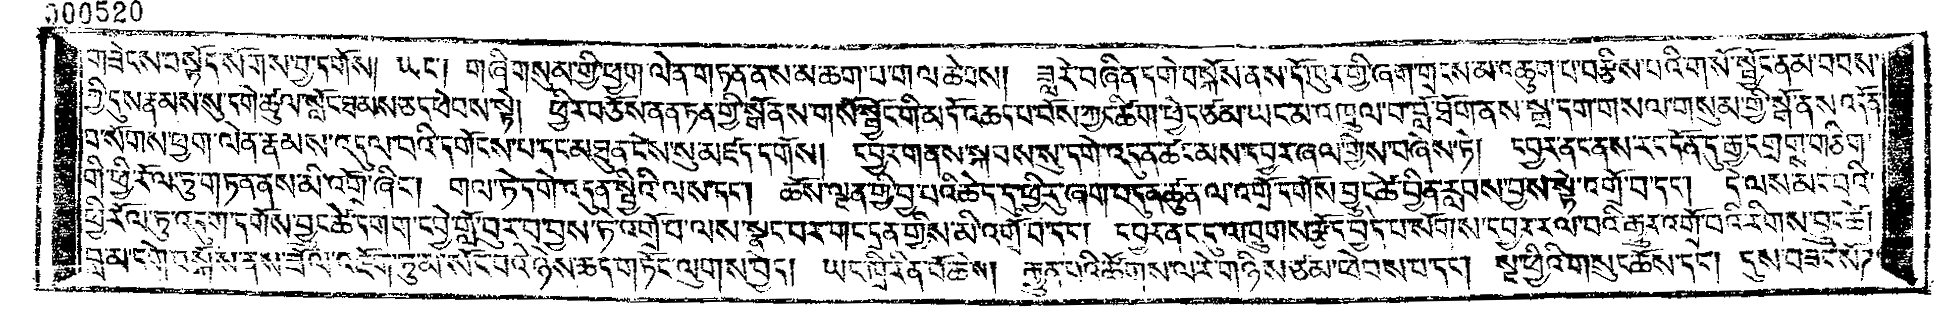གཟེངས་བསྟོད་སོགས་བྱ་དགོས། ཡང་། གཞི་གསུམ་གྱི་ཕྱག་ལེན་གཏན་ནས་མ་ཆག་པ་གལ་ཆེ་བས། ཟླ་རེ་བཞིན་དགེ་བསྐོས་ནས་དོ་ཁུར་གྱི་ཞག་གྲངས་མ་འཆུག་པ་བརྩིས་པའི་གསོ་སྦྱོང་ནམ་བབས་
ཀྱི་དུས་རྣམས་སུ་དགེ་ཚུལ་སློང་ཐམས་ཅད་ཕེབས་སྟེ། ཕྱིར་བཅོས་ནན་ཏན་གྱི་སྒོ་ནས་གསོ་སྦྱོང་གི་མདོ་འཆད་པ་བོས་ཀྱང་ཚིག་ཕྱེད་ཙམ་ཡང་མ་འཁྲུལ་བ་བློ་ཐོག་ནས་སྒྲ་དག་གསལ་གསུམ་གྱི་སྒོ་ནས་འདོན་
པ་སོགས་ཕྱག་ལེན་རྣམས་འདུལ་བའི་དགོངས་པ་དང་མཐུན་ངེས་སུ་མཛད་དགོས། དབྱར་གནས་སྐབས་སུ་དགེ་འདུན་ཚང་མས་དབྱར་ཞལ་གྱིས་བཞེས་ཏེ། དབྱར་ནང་ནས་རང་དོན་དུ་རྒྱང་གྲགས་གཅིག་
གི་ཕྱི་རོལ་ཏུ་གཏན་ནས་མི་འགྲོ་ཞིང་། གལ་ཏེ་དགེ་འདུན་སྤྱིའི་ལས་དང་། ཆོས་ལྡན་གྱི་བྱ་བའི་ཆེད་དུ་ཕྱི་རུ་ཞག་བདུན་ཚུན་ལ་འགྲོ་དགོས་བྱུང་ཚེ་བྱིན་རླབས་བྱས་སྟེ་འགྲོ་བ་དང་། དེ་ལས་མང་བའི་
ཕྱི་རོལ་ཏུ་འདུག་དགོས་བྱུང་ཚེ་དགག་དབྱེ་གློ་བུར་བ་བྱས་ཏེ་འགྲོ་བ་ལས་སྣང་བར་གང་དྲན་གྱིས་མི་འགྲོ་བ་དང་། དབྱར་ནང་དུ་འཁྲུགས་རྩོད་བྱེད་པ་སོགས་དབྱར་རལ་བའི་རྒྱུར་འགྲོ་བའི་རིགས་བྱུང་ཚེ།
བླ་མ་དགེ་བསྐོས་ནས་ཟོལ་འཇོག་ཏུ་མ་སོང་བའི་ཉེས་ཆད་གཏོང་ལུགས་བྱེད། ཡང་ཁྲི་རིན་པོ་ཆེས། རྒྱུན་པའི་ཚོགས་ལ་རེ་གཉིས་ཙམ་ཕེབས་པ་དང་། སྔ་ཕྱིའི་གསུང་ཆོས་དང་། དུས་བཟང་སོགས་